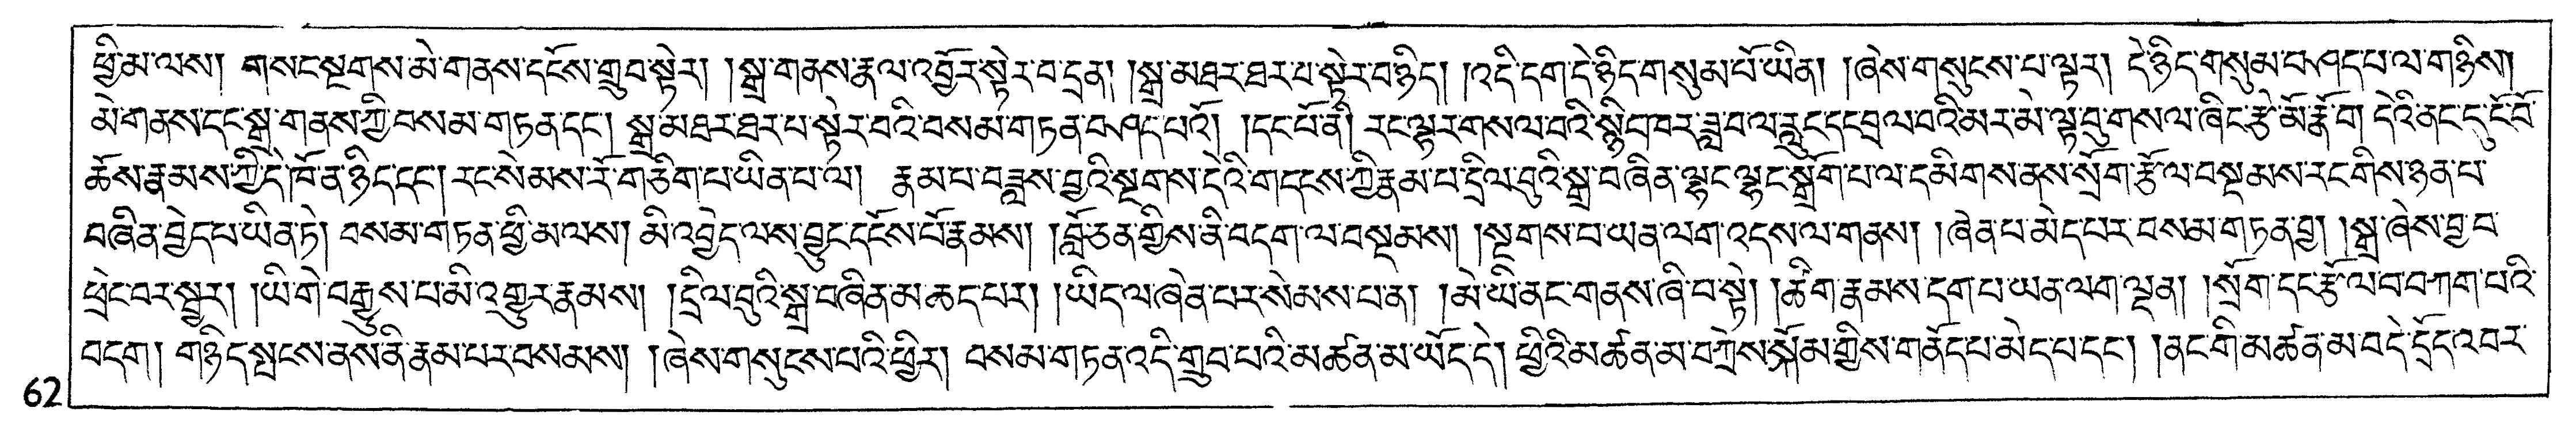ཕྱི་མ་ལས། གསང་སྔགས་མེ་གནས་དངོས་གྲུབ་སྟེར། །སྒྲ་གནས་རྣལ་འབྱོར་སྟེར་བ་དྲན། །སྒྲ་མཐར་ཐར་པ་སྟེར་བ་ཉིད། །འདི་དག་དེ་ཉིད་གསུམ་པོ་ཡིན། །ཞེས་གསུངས་པ་ལྟར། དེ་ཉིད་གསུམ་བཤད་པ་ལ་གཉིས།
མེ་གནས་དང་སྒྲ་གནས་ཀྱི་བསམ་གཏན་དང་། སྒྲ་མཐར་ཐར་པ་སྟེར་བའི་བསམ་གཏན་བཤད་པའོ། །དང་པོ་ནི། རང་ལྷར་གསལ་བའི་སྙིང་ཁར་ཟླ་བ་ལ་རླུང་དང་བྲལ་བའི་མར་མེ་ལྟ་བུ་གསལ་ཞིང་རྩེ་མོ་རྣོ་བ། དེའི་ནང་དུ་ངོ་བོ་
ཆོས་རྣམས་ཀྱི་དེ་ཁོ་ན་ཉིད་དང་། རང་སེམས་རོ་གཅིག་པ་ཡིན་པ་ལ། རྣམ་པ་བཟླས་བྱའི་སྔགས་དེའི་གདངས་ཀྱི་རྣམ་པ་དྲིལ་བུའི་སྒྲ་བཞིན་ལྷང་ལྷང་སྒྲོག་པ་ལ་དམིགས་ནས་སྲོག་རྩོལ་བསྔམས་རང་གིས་ཉན་པ་
བཞིན་བྱེད་པ་ཡིན་ཏེ། བསམ་གཏན་ཕྱི་མ་ལས། མི་འབྱེད་ལས་བྱུང་དངོས་པོ་རྣམས། །བློ་ཅན་གྱིས་ནི་བདག་ལ་བསྡམས། །སྔགས་པ་ཡན་ལག་འདས་ལ་གནས། །ཞེན་པ་མེད་པར་བསམ་གཏན་བྱ། །སྒྲ་ཞེས་བྱ་བ་
ཕྲེང་བར་སྦྱར། །ཡི་གེ་བརྒྱུས་པ་མི་འགྱུར་རྣམས། །དྲིལ་བུའི་སྒྲ་བཞིན་མ་ཆད་པར། །ཡིད་ལ་ཞེན་པར་སེམས་པ་ན། །མེ་ཡི་ནང་གནས་ཞི་བ་སྟེ། །ཚིག་རྣམས་དག་པ་ཡན་ལག་ལྡན། །སྲོག་དང་རྩོལ་བ་བཀག་པའི་
བདག །གཉིད་སྤངས་ནས་ནི་རྣམ་པར་བསམས། །ཞེས་གསུངས་པའི་ཕྱིར། བསམ་གཏན་འདི་གྲུབ་པའི་མཚན་མ་ཡོད་དེ། ཕྱིའི་མཚན་མ་བཀྲེས་སྐོམ་གྱིས་གནོད་པ་མེད་པ་དང་། །ནང་གི་མཚན་མ་བདེ་དྲོད་འབར་